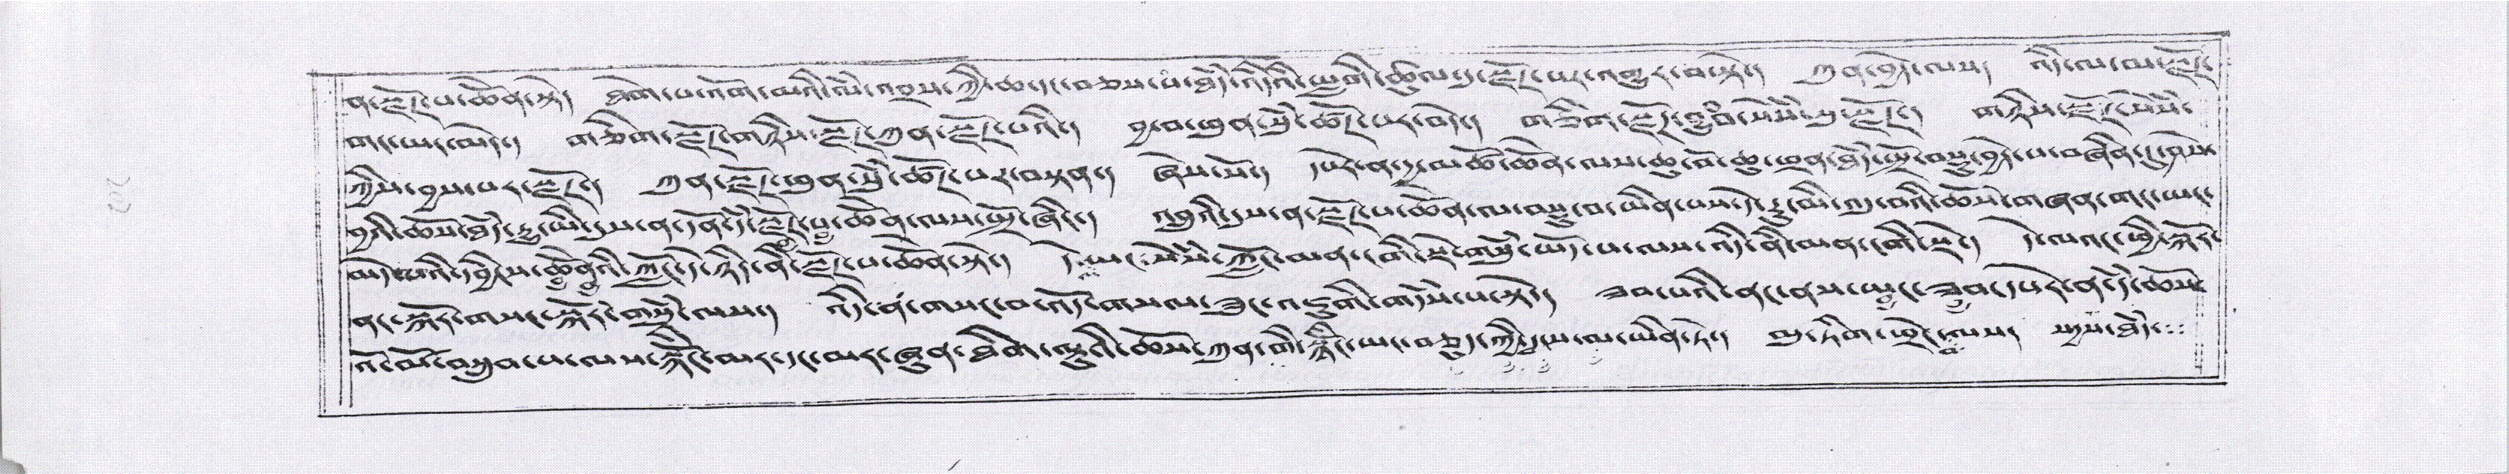ན་རྫོགས་པ་ཆེན་པོ་སྟེ། ཐེག་པ་འོག་མའི་ལམ་འབྲས་ཀྱི་ཆ་དང་བཅས་པ་ཐམས་ཅད་འདིའི་ཡན་ལག་གི་ཚུལ་དུ་རྫོགས་པར་འགྱུར་བ་ཡིན་ཏེ། ཀུན་བྱེད་ལས། འདི་ལ་མ་རྫོགས་
གང་ཡང་མེད། གཅིག་རྫོགས་གཉིས་རྫོགས་ཀུན་རྫོགས་པའི། བྱ་བ་ཕུན་སུམ་ཚོགས་པར་བདེ། གཅིག་རྫོགས་བྱང་ཆུབ་སེམས་སུ་རྫོགས། གཉིས་རྫོགས་སེམས་
ཀྱིས་བྱས་པར་རྫོགས། ཀུན་རྫོགས་ཕུན་སུམ་རྫོགས་པར་བསྟན། ཞེས་སོ། དཔེར་ན་རྒྱ་མཚོ་ཆེན་པོ་ལས་ཆུ་བོ་དང་ཆུ་ཕྲན་ཐམས་ཅད་སྤྲོ་བསྡུ་བྱེད་པ་བཞིན་དུ་ཤེས་
བྱའི་ཆོས་ཐམས་ཅད་རྒྱུ་ཡི་དུས་ན་དོན་དམ་རྫོགས་པ་ཆེན་པོ་ལས་སྤྲོ་ཞིང་། འབྲས་བུའི་དུས་ན་རྫོགས་པ་ཆེན་པོ་ལ་བསྡུ་བ་ཡིན་པས་དེ་རུ་མི་འདུ་བའི་ཆོས་གཞན་གང་ཡང་
མེད་པའི་དབྱིངས་ཆེན་པོའི་ཀློང་དེ་ཉིད་ནི་རྫོགས་པ་ཆེན་པོ་སྟེ། དེ་ཡང་སེམས་ཀློང་མན་ངག་གི་སྡེ་གསུམ་ཡོད་པ་ལས་འདི་ནི་མན་ངག་གི་སྡེ། དེ་ལའང་ཕྱི་སྐོར་
ནང་སྐོར་གསང་སྐོར་གསུམ་ལས། འདི་ནི་གསང་བ་འོད་གསལ་ཟུང་འཇུག་གི་གདམས་པ་སྟེ། ཟབ་པའི་ནང་ནས་ཡང་ཟབ་དཔེར་ན་དམ་ཆོས་
འོ་མཚོ་བསྲུབས་པ་ལས་སྙིང་པོ་མར་དང་མར་གྱི་ཞུན་ཐིག་ལྟ་བུའི་ཆོས་ཀུན་གྱི་སྙིང་པོ་ཡང་བཅུད་ཀྱི་དྭངས་མ་ཡིན་ཏེ། མུ་ཏིག་ཕྲེང་བ་ལས། སངས་རྒྱས་ཐམས་ཅད་